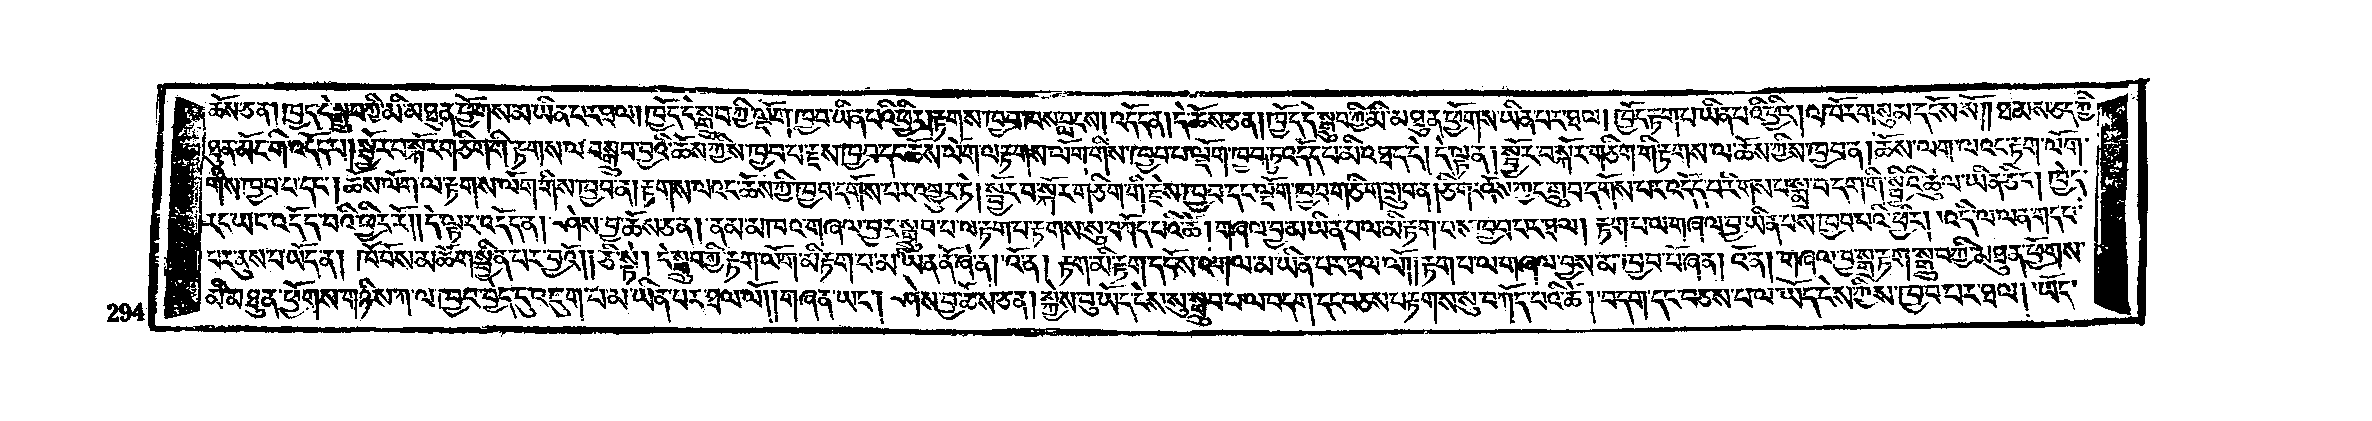ཆོས་ཅན། ཁྱོད་དེ་སྒྲུབ་ཀྱི་མི་མཐུན་ཕྱོགས་མ་ཡིན་པར་ཐལ། ཁྱོད་དེ་སྒྲུབ་ཀྱི་ལྡོག་ཁྱབ་ཡིན་པའི་ཕྱིར། རྟགས་ཁྱབ་ཁས་བླངས། འདོད་ན། དེ་ཆོས་ཅན། ཁྱོད་དེ་སྒྲུབ་ཀྱི་མི་མཐུན་ཕྱོགས་ཡིན་པར་ཐལ། ཁྱོད་རྟག་པ་ཡིན་པའི་ཕྱིར། འཁོར་གསུམ་དངོས་སོ། །ཐམས་ཅད་ཀྱི་
ཐུན་མོང་གི་འདོད་པ། སྦྱོར་བ་སྐོར་གཅིག་གི་རྟགས་ལ་བསྒྲུབ་བྱའི་ཆོས་ཀྱིས་ཁྱབ་པ་རྗེས་ཁྱབ་དང་ཆོས་ལོག་ལ་རྟགས་ལོག་གིས་ཁྱབ་པ་ལྡོག་ཁྱབ་ཏུ་འདོད་པ་མི་འཐད་དེ། དེ་ལྟ་ན། སྦྱོར་བ་སྐོར་གཅིག་གི་རྟགས་ལ་ཆོས་ཀྱིས་ཁྱབ་ན། ཆོས་ལག་ལའང་རྟག་ལོག་
གིས་ཁྱབ་པ་དང་། ཆོས་ལོག་ལ་རྟགས་ལོག་གིས་ཁྱབ་ན། རྟགས་ལའང་ཆོས་ཀྱི་ཁྱབ་དགོས་པར་འགྱུར་ཏེ། སྦྱོར་བ་སྐོར་གཅིག་གི་རྗེས་ཁྱབ་དང་ལྡོག་ཁྱབ་གཅིག་གྲུབ་ན། ཅིག་ཤོས་ཀྱང་གྲུབ་དགོས་པར་འདོད་པ་རིགས་པ་སྨྲ་བ་དག་གི་སྤྱིའི་ཚུལ་ཡིན་ཅིང་། ཁྱེད་
རང་ཡང་འདོད་པའི་ཕྱིར་རོ། །དེ་ལྟར་འདོད་ན། ཤེས་བྱ་ཆོས་ཅན། ནམ་མཁའ་གཞལ་བྱར་སྒྲུབ་པ་ལ་རྟག་པ་རྟགས་སུ་བཀོད་པའི་ཚེ། གཞལ་བྱ་མ་ཡིན་པ་ལ་མི་རྟག་པས་ཁྱབ་པར་ཐལ། རྟག་པ་ལ་གཞལ་བྱ་ཡིན་པས་ཁྱབ་པའི་ཕྱིར། །འདི་ལ་ལན་གདབ་
པར་ནུས་པ་ཡོད་ན། ཁོ་བོས་མཆོག་སྦྱིན་པར་བྱའོ། །ཅི་སྟེ། དེ་སྒྲུབ་ཀྱི་རྟག་ལོག་མི་རྟག་པ་མ་ཡིན་ནོ་ཞེ་ན། འོ་ན། རྟག་མི་རྟག་དངོས་འགལ་མ་ཡིན་པར་ཐལ་ལོ། །རྟག་པ་ལ་གཞལ་བྱས་མ་ཁྱབ་བོ་ཞེ་ན། འོ་ན། གཞལ་བྱ་སྒྲ་རྟག་སྒྲུབ་ཀྱི་མཐུན་ཕྱོགས་
མི་མཐུན་ཕྱོགས་གཉིས་ཀ་ལ་ཁྱབ་བྱེད་དུ་འཇུག་པ་མ་ཡིན་པར་ཐལ་ལོ། །གཞན་ཡང་། ཤེས་བྱ་ཆོས་ཅན། སྐྱེས་བུ་ཡོད་ངེས་སུ་སྒྲུབ་པ་ལ་བདག་དང་བཅས་པ་རྟགས་སུ་བཀོད་པའི་ཚེ། བདག་དང་བཅས་པ་ལ་ཡོད་ངེས་ཀྱིས་ཁྱབ་པར་ཐལ། ཡོད་